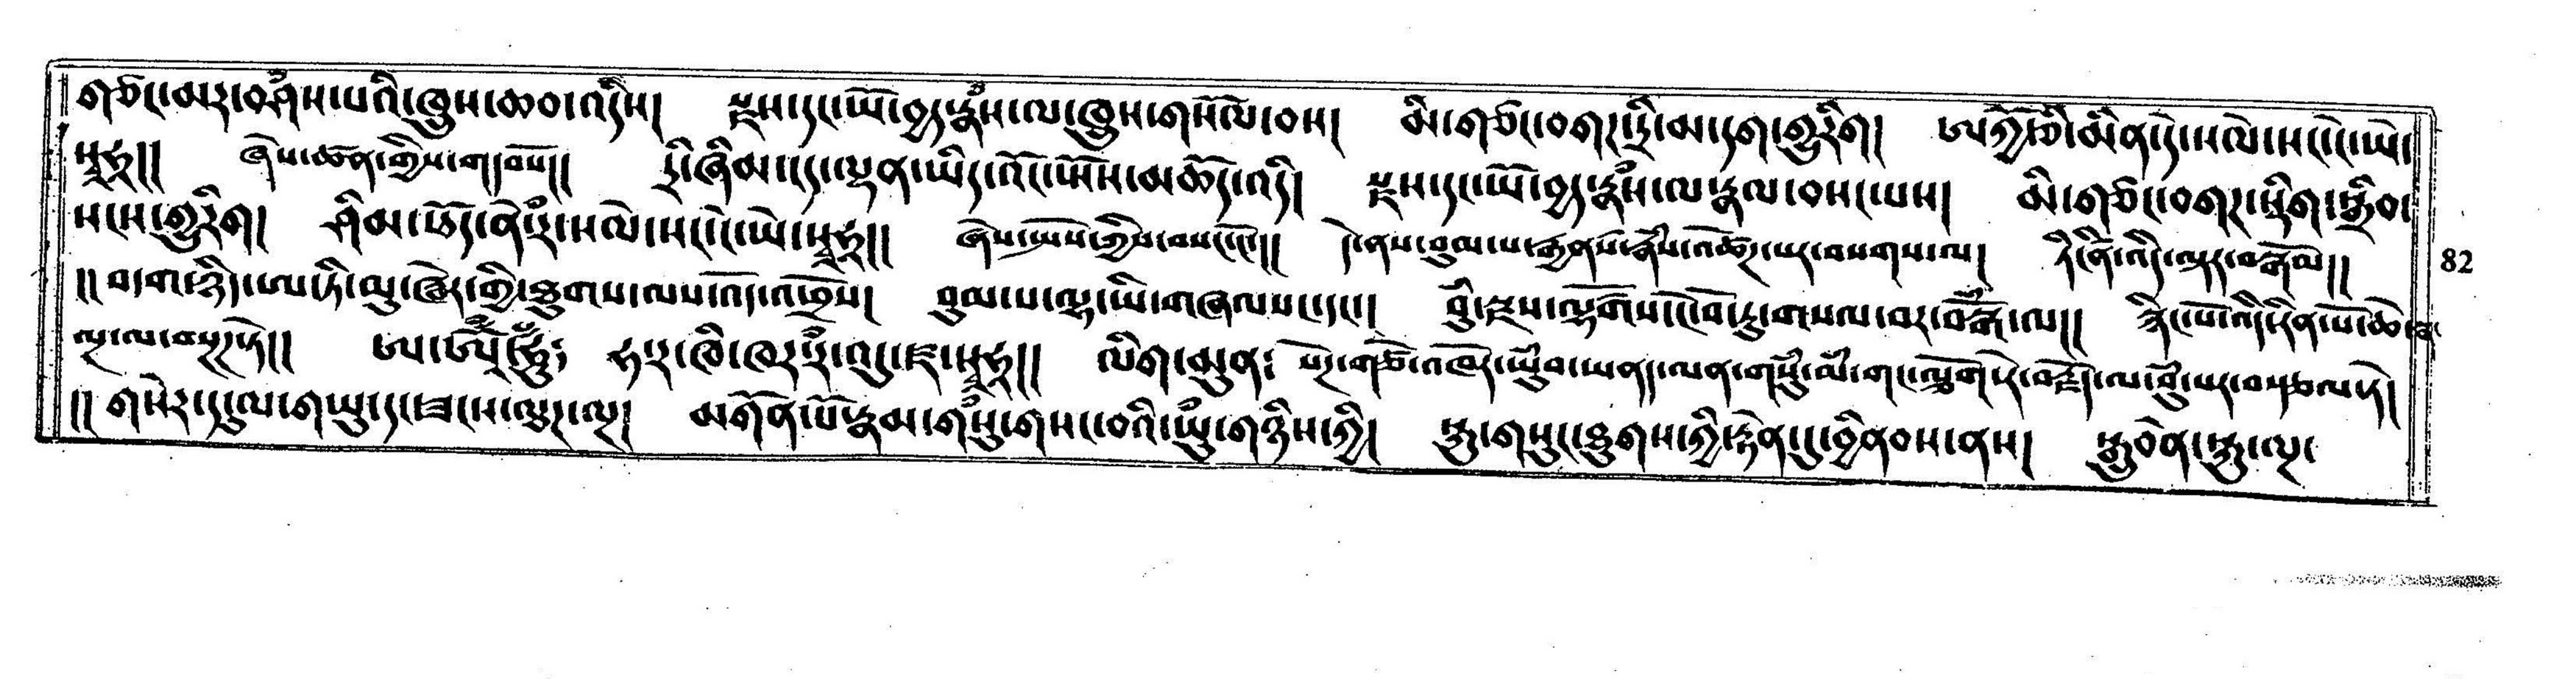གཙང་མར་བཤམས་པའི་ཁྲུས་ཆབ་འདིས། རྫས་དང་ཡོ་བྱད་རྣམས་ལ་ཁྲུས་གསོལ་བས། མི་གཙང་བག་ཆགས་དྲི་མ་དག་གྱུར་ཅིག ཨཀྱོ་ཅི་མིན་དེ་སལེ་སང་ངེ་ཡེ་
སྭཱཧཱ།། ཞེས་ཚན་གྱིས་གདབས་སོ།། དྲི་ཞིམ་ངད་ལྡན་ཡིད་འོང་སྤོས་མཆོད་འདི། རྫས་དང་ཡོ་བྱད་རྣམས་ལ་རྣལ་བསང་པས། མི་གཙང་བག་ཆགས་སྡིག་སྒྲིབ་
སངས་གྱུར་ཅིག ཤིམ་ཕོད་ནེ་རཾ་སལེ་སང་ངེ་ཡེ་སྭཱཧཱ།། ཞེས་སྤོས་ཀྱིས་བསང་ངོ་།། དེ་ནས་བུམ་པ་རྒྱན་རྫས་རྣམས་འཚོགས་པར་བསགས་ལ། ཏིང་འཛིན་འདི་ལྟར་བསྒོམ།། །།
བདག་ཉིད་ཨ་ཏི་མུ་ཝེར་གྱི་ཐུགས་ལས་འོད་འཕྲོས། བུམ་པ་ལྷ་ཡི་གཞལ་ཡས་ཁང་དང་། བུམ་རྫས་ལྷ་ཚོགས་ངོ་བོ་རུ་གསལ་བར་བསྒོམ་ལ།། སྙིང་པོ་འདི་རིན་པོ་ཆེ་ན་
ལྔ་ལ་བསྔགས་ཏེ།། ཨ་ཨཱོཾ་ཧཱུྃ ཧ་ར་ཁི་ཁར་རཾ་འདུ་ཛ་སྭཱཧཱ།། ལིག་མུན༴ སོགས་གཙོ་འཁོར་ཡབ་ཡུམ་ཡན་ཆད་ལན་གསུམ་མམ་གང་ལྕོག་རེ་བརྗོད་ལ་བུམ་པར་བསྩལ་ཏེ། །།
གསེར་དངུལ་གཡུ་དང་ཟངས་ལྕགས་ལྔ། མགོན་པོ་རྣམ་གསུམ་གསང་བའི་ཡུམ་གཉིས་ཀྱི། སྐུ་གསུང་ཐུགས་ཀྱི་རྟེན་དུ་བྱིན་བརླབས་ནས། སྒྲུབ་གཤེན་སྐུ་ལྔ་